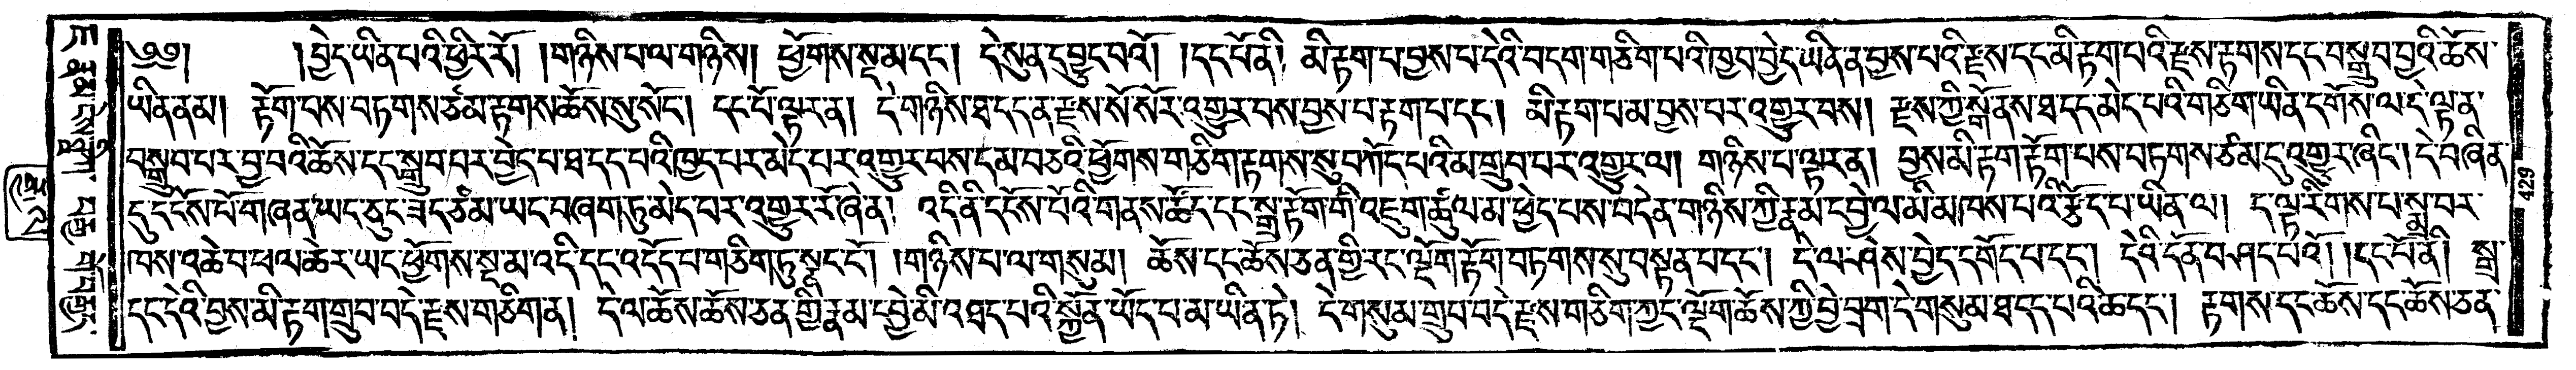༄༅། །བྱེད་ཡིན་པའི་ཕྱིར་རོ། །གཉིས་པ་ལ་གཉིས། ཕྱོགས་སྔ་མ་དང་། དེ་སུན་དབྱུང་བའོ། །དང་པོ་ནི། མི་རྟག་པ་བྱས་པ་དེའི་བདག་གཅིག་པའི་ཁྱབ་བྱེད་ཡིན་ན་བྱས་པའི་རྫས་དང་མི་རྟག་པའི་རྫས་རྟགས་དང་བསྒྲུབ་བྱའི་ཆོས་
ཡིན་ནམ། རྟོག་པས་བཏགས་ཙམ་རྟགས་ཆོས་སུ་སོང་། དང་པོ་ལྟར་ན། དེ་གཉིས་ཐ་དད་ན་རྫས་སོ་སོར་འགྱུར་བས་བྱས་པ་རྟག་པ་དང་། མི་རྟག་པ་མ་བྱས་པར་འགྱུར་བས། རྫས་ཀྱི་སྒོ་ནས་ཐ་དད་མེད་པའི་གཅིག་ཡིན་དགོས་ལ་དེ་ལྟ་ན་
བསྒྲུབ་པར་བྱ་བའི་ཆོས་དང་སྒྲུབ་པར་བྱེད་པ་ཐ་དད་པའི་ཁྱད་པར་མེད་པར་འགྱུར་བས་དམ་བཅའི་ཕྱོགས་གཅིག་རྟགས་སུ་བཀོད་པའི་མ་གྲུབ་པར་འགྱུར་ལ། གཉིས་པ་ལྟར་ན། བྱས་མི་རྟག་རྟོག་པས་བཏགས་ཙམ་དུ་འགྱུར་ཞིང་། དེ་བཞིན་
དུ་དངོས་པོ་གཞན་ཡང་ཅུང་ཟད་ཙམ་ཡང་བཞག་ཏུ་མེད་པར་འགྱུར་རོ་ཞེ་ན། འདི་ནི་དངོས་པོའི་གནས་ཚོད་དང་སྒྲ་རྟོག་གི་འཇུག་ཚུལ་མ་ཕྱེད་པས་བདེན་གཉིས་ཀྱི་རྣམ་དབྱེ་ལ་མི་མཁས་པའི་རྩོད་པ་ཡིན་ལ། ད་ལྟ་རིགས་པ་སྨྲ་བར་
ཁས་འཆེ་བ་ཕལ་ཆེར་ཡང་ཕྱོགས་སྔ་མ་འདི་དང་འདོད་པ་གཅིག་ཏུ་སྣང་ངོ། །གཉིས་པ་ལ་གསུམ། ཆོས་དང་ཆོས་ཅན་གྱི་རང་ལྡོག་རྟོག་བཏགས་སུ་བསྟན་པ་དང་། དེ་ལ་ཤེས་བྱེད་དགོད་པ་དང་། དེའི་དོན་བཤད་པའོ། །དང་པོ་ནི། སྒྲ་
དང་དེའི་བྱས་མི་རྟག་གྲུབ་བདེ་རྫས་གཅིག་ན། དེ་ལ་ཆོས་ཆོས་ཅན་གྱི་རྣམ་དབྱེ་མི་འཐད་པའི་སྐྱོན་ཡོད་པ་མ་ཡིན་ཏེ། དེ་གསུམ་གྲུབ་བདེ་རྫས་གཅིག་ཀྱང་ལྡོག་ཆོས་ཀྱི་བྱེ་བྲག་དེ་གསུམ་ཐ་དད་པའི་ཆ་དང་། རྟགས་དང་ཆོས་དང་ཆོས་ཅན་